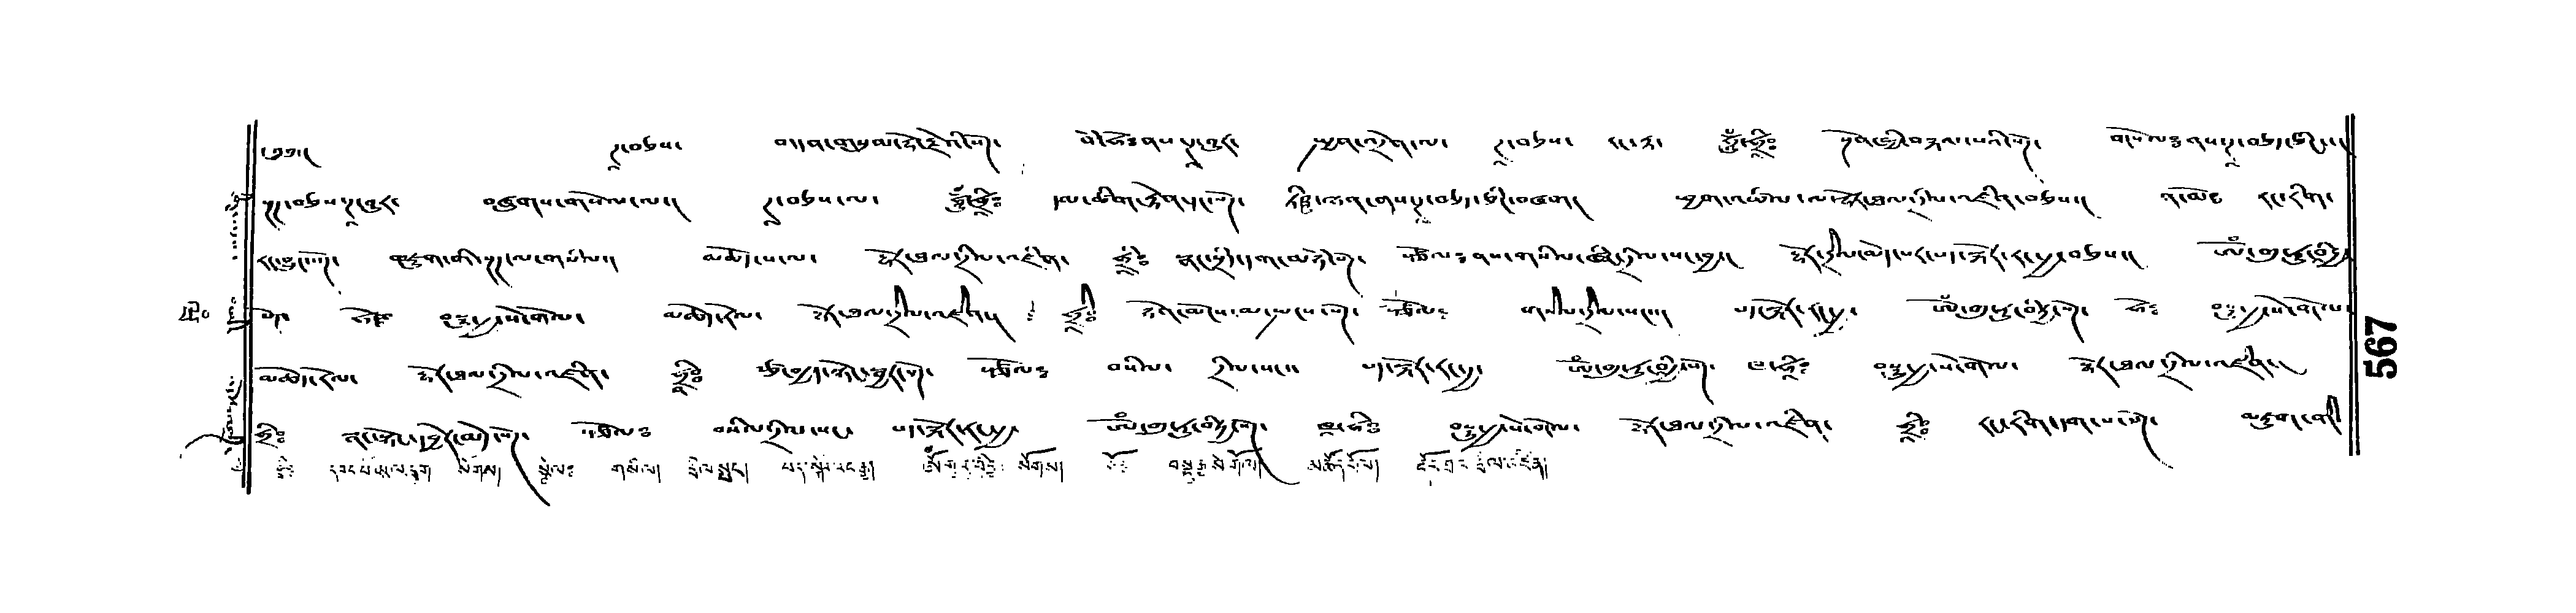ཌཱ་བཅས། གདན་གསུམ་རྡོ་རྗེའི་སོགས། བམ་ཧོཿ ནས་ཌཱ་འུར། སྤྱན་འདྲེན་ལ། ཌཱ་བཅས། རང་རྟ། ཧཱུྃ་ཧྲཱིཿ སྔོན་གྱི་བསྐལ་པའི་སོགས། གསོལཿ ནས་ཌཱ་བཅད་ཅིང་། 
སྔགས་བཅས་ཌཱ་འུར། བཞུགས་གསོལ་ལ། ཌཱ་བཅས་ལ། ཧཱུྃ་ཧྲཱིཿ དམ་ཚིག་རྟེན་དང་སོགས། ཏཱིཥྛ་ལྷན་ནས་ཌཱ་བཅད་ཅིང་བཞག ཕྱག་འཚལ་ལ་རྡོར་ཐལ་དྲིལ་འཛིན་བཅས། ན་མོཿ རང་རིག་
རང་བྱུང་སོགས། མཇུག་གི་སྔགས་ལ་གསིལ། མཆོད་པ་ལ། རྡོར་ཐལ་དྲིལ་འཛིན། ཧྲཱིཿ སྣང་སྲིད་དག་མཉམ་སོགས། སྩོལཿ ནས་གསིལ་ཞིང་དྲིལ་སང་བྱ། རྡོར་དྲིལ་མེད་པར་པད་སྐོར་རང་རྒྱ་བཅས། ཨོཾ་གུ་རུ་བཱིདྱ་
སོགས། ཧོཿ བསྡུ་རྒྱ་སེ་གོལ། མཆོད་རོལ། རྡོར་ཐལ་དྲིལ་འཛིན། ཧྲཱི༔ དབང་པོ་ཡུལ་དྲུག སོགས།སྩོལཿ གསིལ། དྲིལ་སྤང་། པད་སྐོར་རང་རྒྱ། ཨོཾ་གུ་རུ་བཱིདྱཿ སོགས། ཧོཿ བསྡུ་རྒྱ་སེ་གོལ། 
མཆོད་རོལ། རྡོར་ཐལ་དྲིལ་འཛིན། ཧྲཱིཿ ཉོན་མོངས་མ་སྤངས་སོགས། སྩོལཿ གསིལ་དྲིལ་སང་། པད་སྐོར་རང་རྒྱ། ཨོཾ་གུ་རུ་བིདྱ་སོགས། ཧོཿ བསྡུ་རྒྱ་སེ་གོལ་མཆོད་རོལ། རྡོར་ཐལ་དྲིལ་འཛིན། 
ཧྲཱིཿ རྩ་བརྒྱད་སྟོང་སྦྱར་སོགས། སྩོལཿ བསིལ། དྲིལ་སང་། པད་སྐོར་རང་རྒྱ། ཨོཾ་གུ་རུ་བཱིདྱ་སོགས། ཁ་ཧཱིཿ བསྡུ་རྒྱ་སེ་གོལ། རྡོར་ཐལ་དྲིལ་འཛིན། ཧྲཱིཿ སྣང་སྟོང་དབྱེར་མེད་སོགས། སྩོལཿ བསིལ་དྲིལ་སང་། པད་སྐོར་རང་རྒྱ། ཨོཾ་གུ་རུ་བིདྱ་སོགས། ཁཱ་ཧིཿ བསྡུ་རྒྱ་སེ་གོལ། རྡོར་ཐལ་དྲིལ་འཛིན། ཧྲཱིཿ རང་རིག་དག་པ་སོགས། མཇུག་གི་